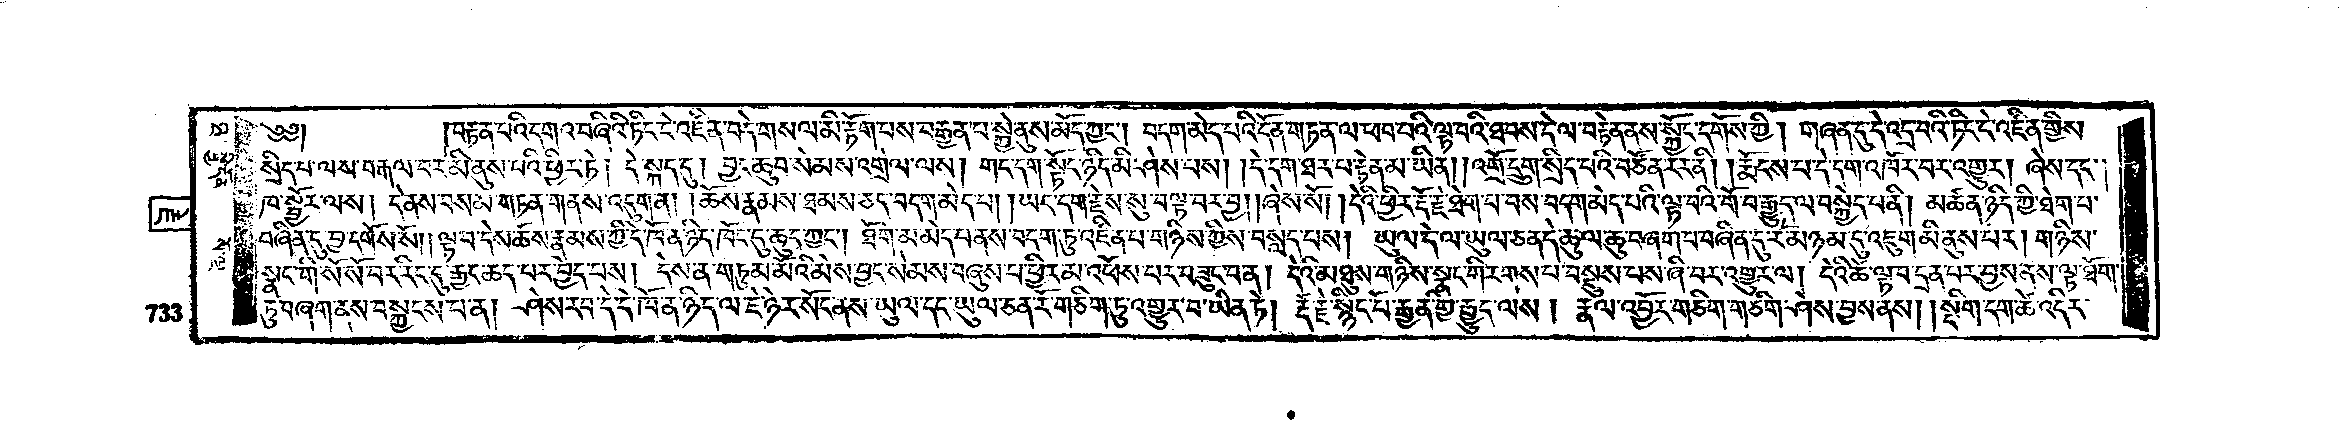༄༅། །བརྟན་པའི་དགའ་བཞིའི་ཏིང་ངེ་འཛིན་བདེ་གསལ་མི་རྟོག་པས་བརྒྱན་པ་སྐྱེ་ནུས་མོད་ཀྱང་། བདག་མེད་པའི་དོན་གཏན་ལ་ཕབ་པའི་ལྟ་བའི་ཐབས་དེ་ལ་བརྟེན་ནས་སྐྱོང་དགོས་ཀྱི། གཞན་དུ་དེ་འདྲ་བའི་ཏིང་ངེ་འཛིན་གྱིས་
སྲིད་པ་ལས་བརྒལ་བར་མི་ནུས་པའི་ཕྱིར་ཏེ། དེ་སྐད་དུ། བྱང་ཆུབ་སེམས་འགྲེལ་ལས། གང་དག་སྟོང་ཉིད་མི་ཤེས་པས། །དེ་དག་ཐར་པ་རྟེན་མ་ཡིན། །འགྲོ་དྲུག་སྲིད་པའི་བཙོན་རར་ནི། །རྨོངས་པ་དེ་དག་འཁོར་བར་འགྱུར། ཞེས་དང་།
ཁ་སྦྱོར་ལས། དེ་ནས་བསམ་གཏན་གནས་འདུག་ན། །ཆོས་རྣམས་ཐམས་ཅད་བདག་མེད་པ། །ཡང་དག་རྗེས་སུ་བལྟ་བར་བྱ། །ཞེས་སོ། །དེའི་ཕྱིར་རྡོ་རྗེ་ཐེག་པ་བས་བདག་མེད་པའི་ལྟ་བའི་གོ་བ་རྒྱུད་ལ་བསྐྱེད་པ་ནི། མཚན་ཉིད་ཀྱི་ཐེག་པ་
བཞིན་དུ་བྱ་དགོས་སོ། །ལྟ་བ་དེས་ཆོས་རྣམས་ཀྱི་དེ་ཁོ་ན་ཉིད་ཁོང་དུ་ཆུད་ཀྱང་། ཐོག་མ་མེད་པ་ནས་བདག་ཏུ་འཛིན་པ་གཉིས་ཀྱིས་བསླད་པས། ཡུལ་དེ་ལ་ཡུལ་ཅན་དེ་ཆུ་ལ་ཆུ་བཞག་པ་བཞིན་དུ་རོ་མཉམ་དུ་འཇུག་མི་ནུས་པར། གཉིས་
སྣང་གི་སོ་སོ་བར་རིང་དུ་རྒྱང་ཆད་པར་བྱེད་པས། དེས་ན་གཏུམ་མོའི་མིས་བྱང་སེམས་བཞུས་པ་ཕྱིར་མ་འཕོས་པར་བཟུང་བ་ན། དེའི་མཐུས་གཉིས་སྣང་གི་རགས་པ་བསྡུས་པས་ཞི་བར་འགྱུར་ལ། དེའི་ཚེ་ལྟ་བ་དྲན་པར་བྱས་ནས་ལྟ་ཐོག་
ཏུ་བཞག་ནས་བསྐྱངས་པ་ན། ཤེས་རབ་དེ་དེ་ཁོ་ན་ཉིད་ལ་ཇི་ཉེར་སོང་ནས་ཡུལ་དང་ཡུལ་ཅན་རོ་གཅིག་ཏུ་འགྱུར་བ་ཡིན་ཏེ། རྡོ་རྗེ་སྙིང་པོ་རྒྱན་གྱི་རྒྱུད་ལས། རྣལ་འབྱོར་གཅིག་གཅིག་ཤེས་བྱས་ནས། །སྡིག་དག་ཚེ་འདིར་